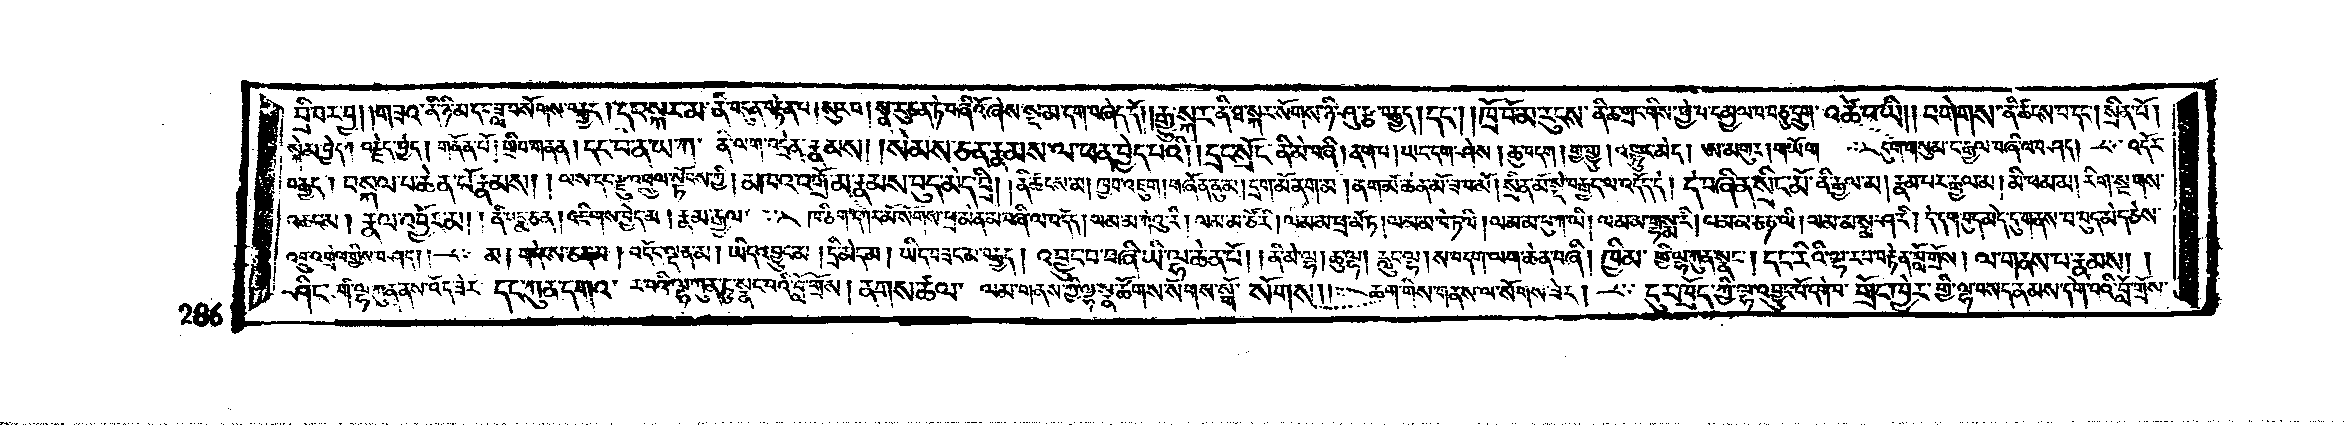བྲི་བར་བྱ། །གཟའ་ནི་ཉི་མ་དང་ཟླ་བ་སོགས་བརྒྱད། དང་སྐར་མ་ནི་བདུན་བརྟེན་པ། སུར་བ། སྣ་རུ་ཅན་ཏེ་བཞིའོ་ཞེས་སྔ་མ་དག་བཞེད་དོ།  །རྒྱུ་སྐར་ནི་ཐ་སྐར་སོགས་ཉི་ཤུ་རྩ་བརྒྱད། དང་། །ཁྲོ་བོ་མ་རུངས་ནི་ཆ་གྲང་གིས་ཕྱེ་བ་དམྱལ་བ་བཅུ་དྲུག་འཚེ་བ་ཡི། །བགེགས་ནི་ཚངས་པ་དང་། སྲིན་པོ།
སྐེམ་བྱེད། །བརྗེད་བྱེད། གནོན་པོ། གྲིབ་གནོན། དང་པོ་ན་ཡ་ཀ་ནི་ལོག་འདྲེན་རྣམས། །སེམས་ཅན་རྣམས་ལ་ཕན་བྱེད་པའི། །དྲང་སྲོང་ནི་མེ་བཞི། ནག་པ། ཡང་དག་ཤེས། ཆུ་བདག །གྱ་གྱུ། འགྱུར་མེད། ཨ་མགུར་།གཡོག་དུག་གསུམ་ང་རྒྱལ་བཞི་ལ་བཤད། འདོར་
བརྒྱད། བསྐལ་པ་ཆེན་པོ་རྣམས། །ལས་དང་རྫུ་འཕྲུལ་སྟོབས་ཀྱི།  མཁའ་འགྲོ་མ་རྣམས་བུད་མེད་བྲི། །ནི་ཚངས་མ། ཁྱབ་འཇུག །གཞོན་ནུ་མ། དྲག་མོ་ནག་མ། ནག་མོ་ཆེན་མོ་ཟ་བ་མོ། སྲིན་མོ་སྡེ་བརྒྱད་ལ་འདོད་དེ།  དེ་བཞིན་སྲིང་མོ་ནི་རྒྱལ་མ། རྣམ་པར་རྒྱལ་མ། མི་ཕམ་མ། རིག་སྔགས་
འཚང་མ། རྣལ་འབྱོར་མ། །ནི་པདམ་ཅན། འཇིགས་བྱེད་མ།  རྣམ་རྒྱལ་ཁ་ཅིག་དཀར་མོ་སོགས་ཕྲ་མེན་མ་བཞི་ལ་འདོད། ལམ་མ་ཀེའུ་རི། ལམ་མ་ཙོ་རི། ལམ་མ་ཕྲ་མོ་ཏ། ལམ་མ་བེ་ཏ་ལི། ལམ་མ་པུ་ཀ་ལི། ལམ་མ་གྷསྨ་རི། ལམ་མ་ཙཎྜ་ལི། ལམ་མ་སྨ་ཤ་རི། དེ་དག་བུད་མེད་དུ་གནས་པ་བུད་མེད་ཅེས་
འབྲུ་འགྲེལ་གྱིས་བཤད།། མ། གདེངས་ཅན་མ། འདོད་ལྡན་མ། ཡིད་འབྱུང་མ། དྲི་མེད་མ། ཡིད་བཟང་མ་བརྒྱད། འབྱུང་བ་བཞི་ཡི་ལྷ་ཆེན་པོ། །ནི་མེ་ལྷ། ཆུ་ལྷ། རླུང་ལྷ། ས་བདག་ལག་ཆེན་བཞི།  ཁྱིམ་གྱི་ལྷ་ཀུན་སྣང་།  དང་རིའི་ལྷ་རབ་བརྟེན་བློ་གྲོས།  ལ་གནས་ལ་རྣམས། །
ཤིང་གི་ལྷ་ཀུན་ནས་འོད་ཟེར་དང་ཀུན་དགའ་ར་བའི་ལྷ་ཀུན་ཏུ་སྣང་བའི་བློ་གྲོས།  ནགས་ཚལ་ལམ་གནས་ཀྱི་ལྷ་སྣ་ཚོགས་སོགས་སྒོ་སོགས། །ཆག་གིས་གནས་ལ་སོགས་ཟེར།  དུར་ཁྲོད་ཀྱི་ལྷ་འབྱུང་པོ་དགེ་བ་གྲོང་ཁྱེར་གྱི་ལྷ་བསད་ནམས་དགེ་བའི་བློ་གྲོས་